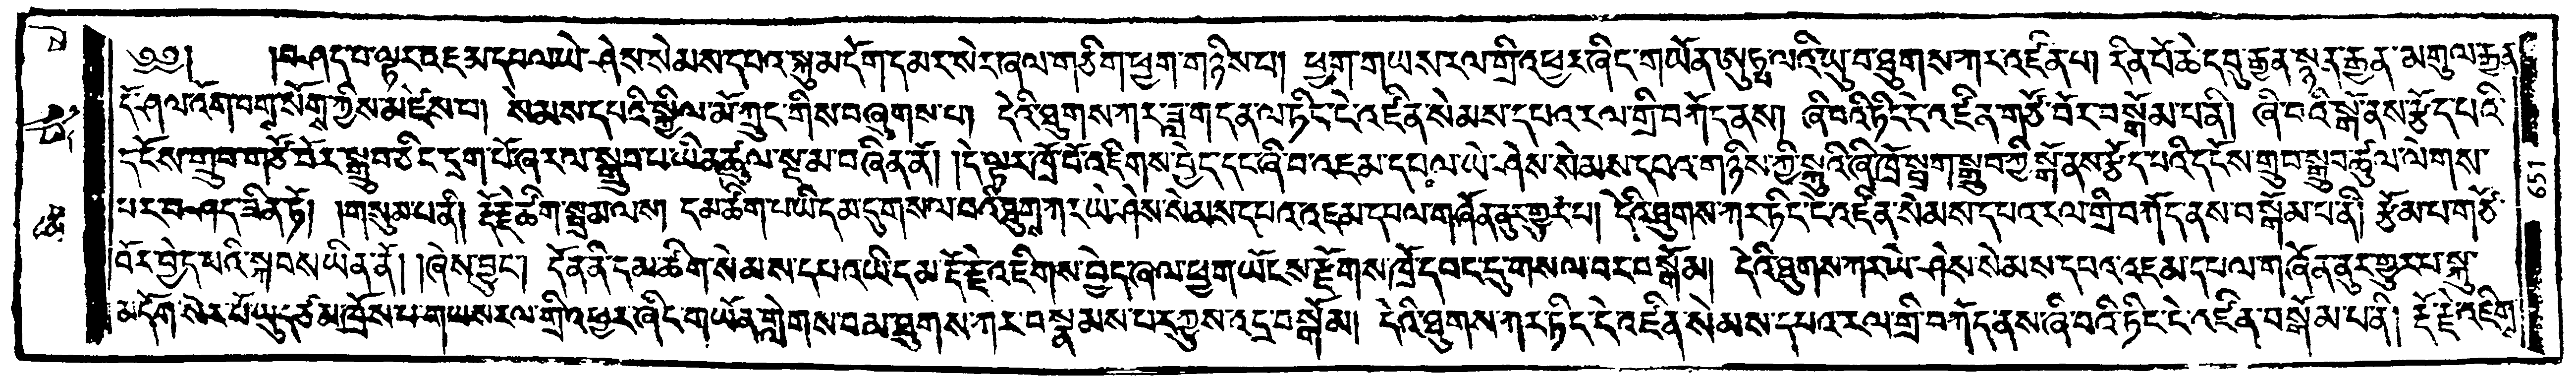༄༅། །བཤད་པ་ལྟར་འཇམ་དཔལ་ཡེ་ཤེས་སེམས་དཔའ་སྐུ་མདོག་དམར་སེར་ཞལ་གཅིག་ཕྱག་གཉིས་པ། ཕྱག་གཡས་རལ་གྲི་འཕྱར་ཞིང་གཡོན་ཨུཏྤ་ལའི་ཡུ་བ་ཐུགས་ཀར་འཛིན་པ། རིན་པོ་ཆེ་དབུ་རྒྱན་སྙན་རྒྱན་མགུལ་རྒྱན་
དོ་ཤལ་འོག་བགས་སོགས་ཀྱིས་མཛེས་པ། སེམས་དཔའི་སྐྱིལ་མོ་ཀྲུང་གིས་བཞུགས་པ། དེའི་ཐུགས་ཀར་ཟླ་གདན་ལ་ཏིང་ངེ་འཛིན་སེམས་དཔའ་རལ་གྲི་བཀོད་ནས། ཞི་བའི་ཏིང་ངེ་འཛིན་གཙོ་བོར་བསྒོམ་པ་ནི། ཞི་བའི་སྒོ་ནས་རྩོད་པའི་
དངོས་གྲུབ་གཙོ་བོར་སྒྲུབ་ཅིང་དྲག་པོ་ཞར་ལ་སྒྲུབ་པ་ཡིན་ཚུལ་སྔ་མ་བཞིན་ནོ། །དེ་ལྟར་ཁྲོ་བོ་འཇིགས་བྱེད་དང་ཞི་བ་འཇམ་དཔལ་ཡེ་ཤེས་སེམས་དཔའ་གཉིས་ཀྱི་སྐུའི་ཞི་ཁྲོ་སྦྲག་སྒྲུབ་ཀྱི་སྒོ་ནས་རྩོད་པའི་དངོས་གྲུབ་སྒྲུབ་ཚུལ་ལེགས་
པར་བཤད་ཟིན་ཏོ། །གསུམ་པ་ནི། རྡོ་རྗེ་ཚིག་སྦྲམ་ལས། དམ་ཚིག་པ་ཡི་དམ་དུ་གསལ་བའི་ཐུགས་ཀར་ཡེ་ཤེས་སེམས་དཔའ་འཇམ་དཔལ་གཞོན་ནུར་གྱུར་པ། དེའི་ཐུགས་ཀར་ཏིང་ངེ་འཛིན་སེམས་དཔའ་རལ་གྲི་བཀོད་ནས་བསྒོམ་པ་ནི། རྩོམ་པ་གཙོ་
བོར་བྱེད་པའི་སྐབས་ཡིན་ནོ། །ཞེས་བྱུང་། དོན་ནི་དམ་ཚིག་སེམས་དཔའ་ཡི་དམ་རྡོ་རྗེ་འཇིགས་བྱེད་ཞལ་ཕྱག་ཡོངས་རྫོགས་ཁྲོ་དབང་དུ་གསལ་བར་བསྒོམ། དེའི་ཐུགས་ཀར་ཡེ་ཤེས་སེམས་དཔའ་འཇམ་དཔལ་གཞོན་ནུར་གྱུར་པ་སྐུ་
མདོག་སེར་པོ་ཡུད་ཙམ་ཁྲོས་པ་གཡས་རལ་གྲི་འཕྱར་ཞིང་གཡོན་གླེགས་བམ་ཐུགས་ཀར་བསྣམས་པར་ཀྱུས་འདྲ་བསྒོམ། དེའི་ཐུགས་ཀར་ཏིང་ངེ་འཛིན་སེམས་དཔའ་རལ་གྲི་བཀོད་ནས་ཞི་བའི་ཏིང་ངེ་འཛིན་བསྒོམ་པ་ནི། རྡོ་རྗེ་འཇིགས་